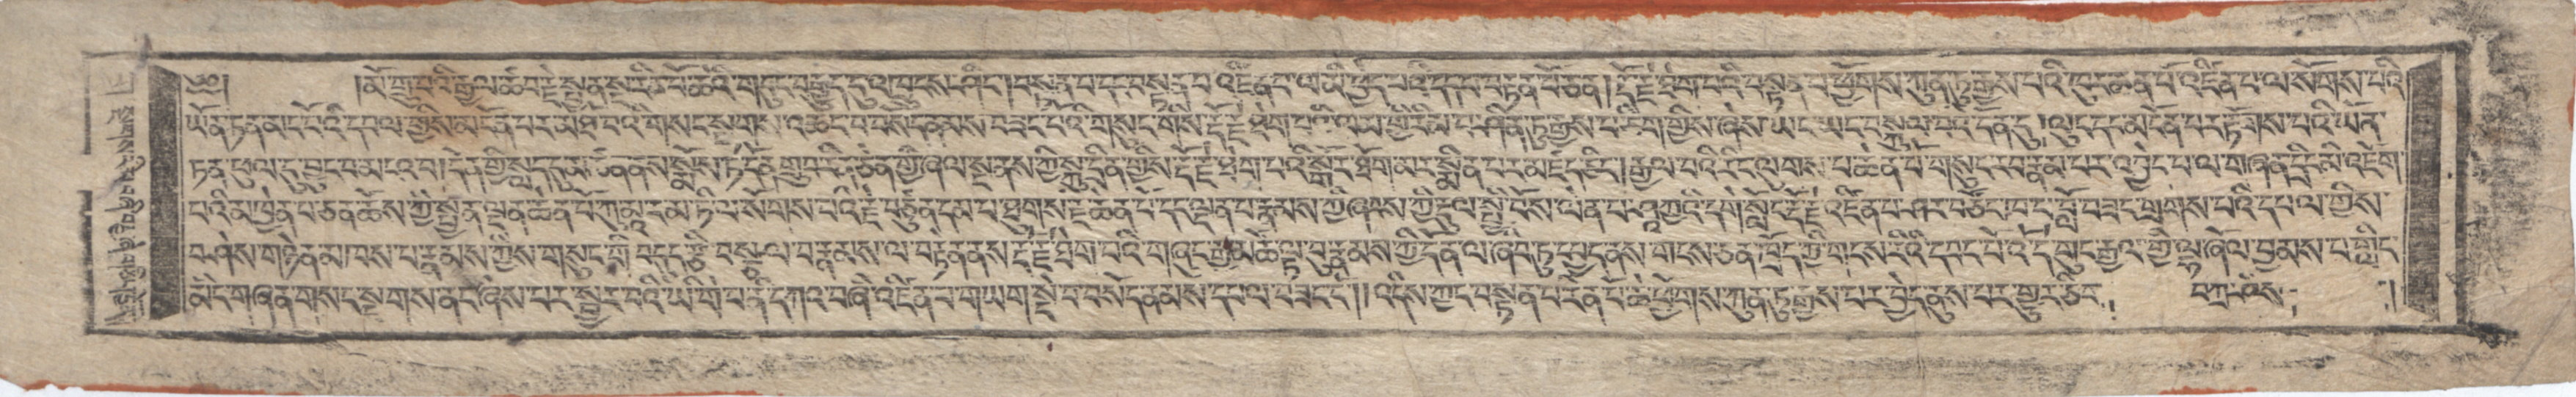༄༅། །མོ་གྲུ་པའི་རྒྱལ་ཚབ་རྗེ་སྤྱན་སྔ་རིན་པོ་ཆེའི་གདུང་བརྒྱུད་དུ་འཁྲུངས་ཤིང་། བསྟན་པ་དང་བསྟན་པ་འཛིན་པ་ལ་མི་ཕྱེད་པའི་དད་པ་བརྟན་པོ་ཅན། རྡོ་རྗེ་ཐེག་པའི་བསྟན་པ་ཕྱོགས་ཀུན་ཏུ་རྒྱས་པའི་ཁུར་ཆེན་པོ་འཛིན་པ་ལ་སོགས་པའི་
ཡོན་ཏན་མང་པོའི་དཔལ་གྱིས་མངོན་པར་མཐོ་བའི་གསང་སྔགས་འཆང་བ་བསོད་ནམས་བཟང་པོའི་གསུང་གིས་རྡོ་རྗེ་ཐེག་པའི་ལམ་གྱི་རིམ་པ་ཤིན་ཏུ་རྒྱས་པ་ཅིག་གྱིས་ཞེས་ཡང་ཡང་བསྐུལ་བའི་དོན་དུ། ལུང་དང་མངོན་པར་རྟོགས་པའི་ཡོན་
ཏན་ཕུལ་དུ་བྱུང་བ་མངའ་བ། དོན་གྱི་སླད་དུ་མཚན་ནས་སྨོས་ཏེ་དོན་གྲུབ་རིན་ཅེན་གྱི་ཞལ་སྔ་ནས་ཀྱི་སྐུ་དྲིན་གྱིས་རྡོ་རྗེ་ཐེག་པའི་སྒོར་ཐོག་མར་སྨིན་པར་མཛད་ཅིང་། རྒྱལ་བའི་རིང་ལུགས་པ་ཆེན་པོ་གསུང་རབ་རྣམ་པར་འབྱེད་པ་ལ་གཞན་དྲིང་མི་འཇོག་
པའི་མཁྱེན་པ་ཅན་ཆོས་ཀྱི་སྤྱན་ལྡན་ཆེན་པོ་ཀུ་མཱ་ར་མ་ཏི་ལ་སོགས་པའི་རྗེ་བཙུན་དམ་པ་ཐུགས་རྗེ་ཆེན་པོ་དང་ལྡན་པ་རྣམས་ཀྱི་ཞབས་ཀྱི་རྡུལ་སྤྱི་བོས་ལེན་པ་ཤཱཀྱའི་དགེ་སློང་རྡོ་རྗེ་འཛིན་པ་ཤར་བཙོང་ཁ་པ་བློ་བཟང་གྲགས་པའི་དཔལ་གྱིས་
བཤེས་གཉེན་མཁས་པ་རྣམས་ཀྱིས་གསུང་གི་བདུད་རྩི་བསྩལ་བ་རྣམས་ལ་བརྟེན་ནས་རྡོ་རྗེ་ཐེག་པའི་གཞུང་རྒྱ་མཚོ་ལྟ་བུ་རྣམས་ཀྱི་དོན་ལ་ཞིབ་ཏུ་དཔྱད་ནས་གངས་ཅན་ཁྲོད་ཀྱི་གངས་རིའི་དབང་པོ་འོ་དེ་གུང་རྒྱལ་གྱི་ལྷ་ཞོལ་བྱམས་པ་གླིང་
མིང་གཞན་གསང་སྔགས་ནང་ཞེས་པར་སྦྱར་བའི་ཡི་གེ་པ་ནི་དཀའ་བཞི་འཛིན་པ་གཡག་སྡེ་བ་བསོད་ནམས་དཔལ་བཟང་ངོ། །འདིས་ཀྱང་བསྟན་པ་རིན་པོ་ཆེ་ཕྱོགས་ཀུན་ཏུ་རྒྱས་པར་བྱེད་ནུས་པར་གྱུར་ཅིག །བཀྲ་ཤིས།། །།